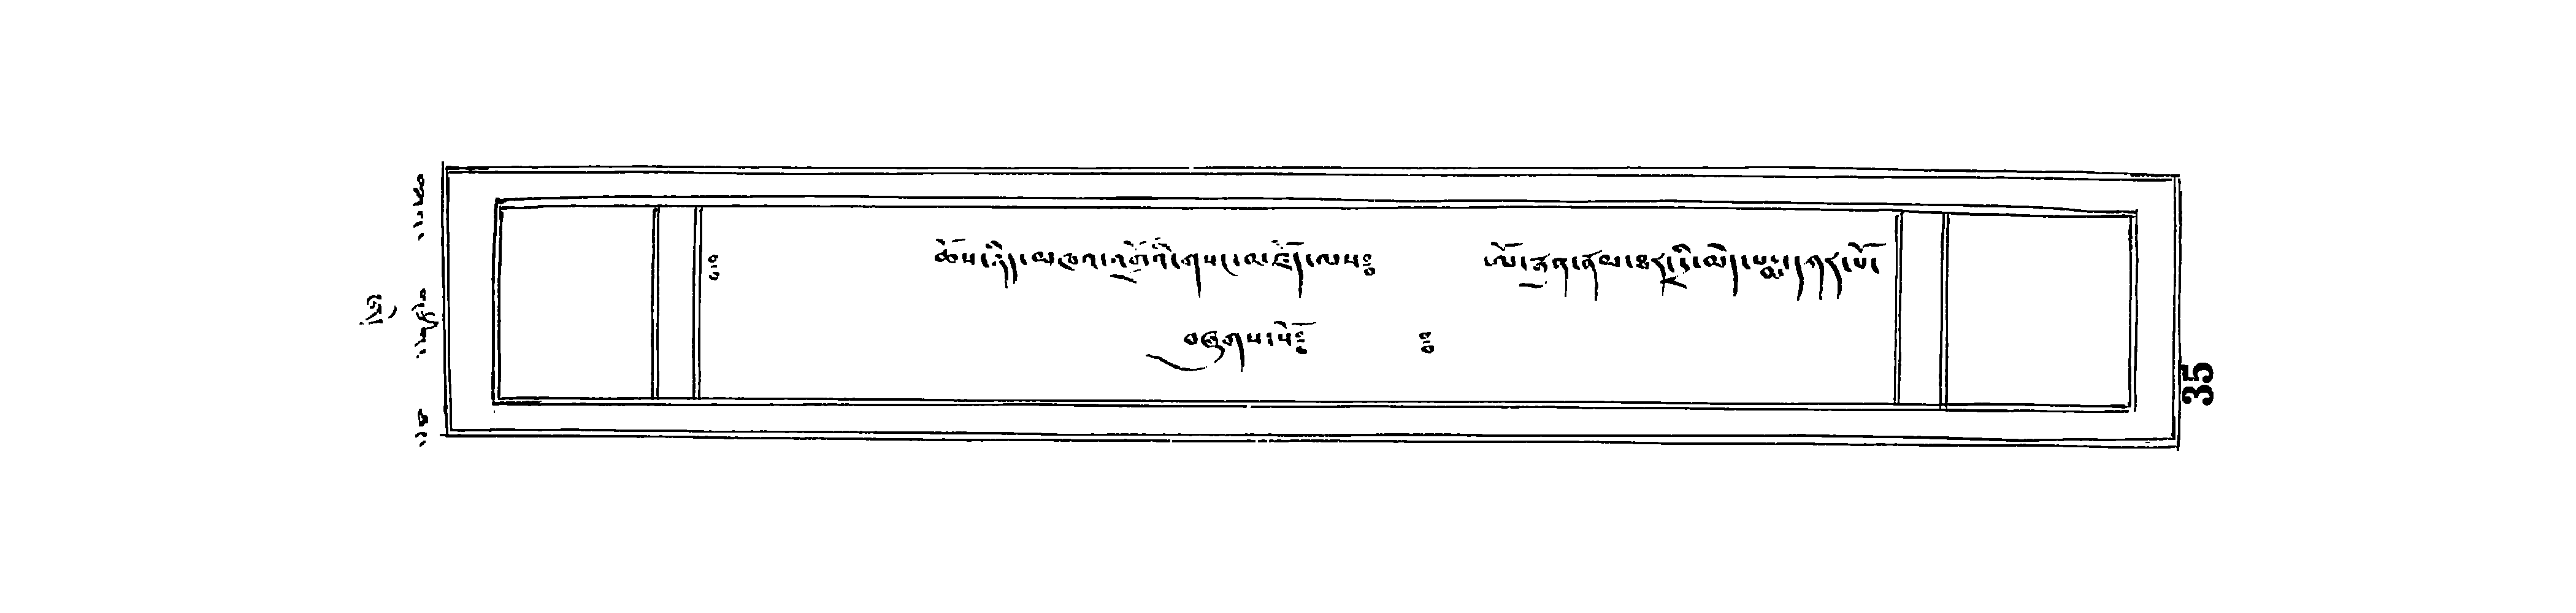ཆོས་ཉིད་མཁའ་འགྲོའི་གསང་མཛོད་ལས༔ ཨོ་རྒྱན་རྣམ་ཐར་དྲི་མེད་པདྨ་དཀར་པོ་
བཞུགས་སོ༔